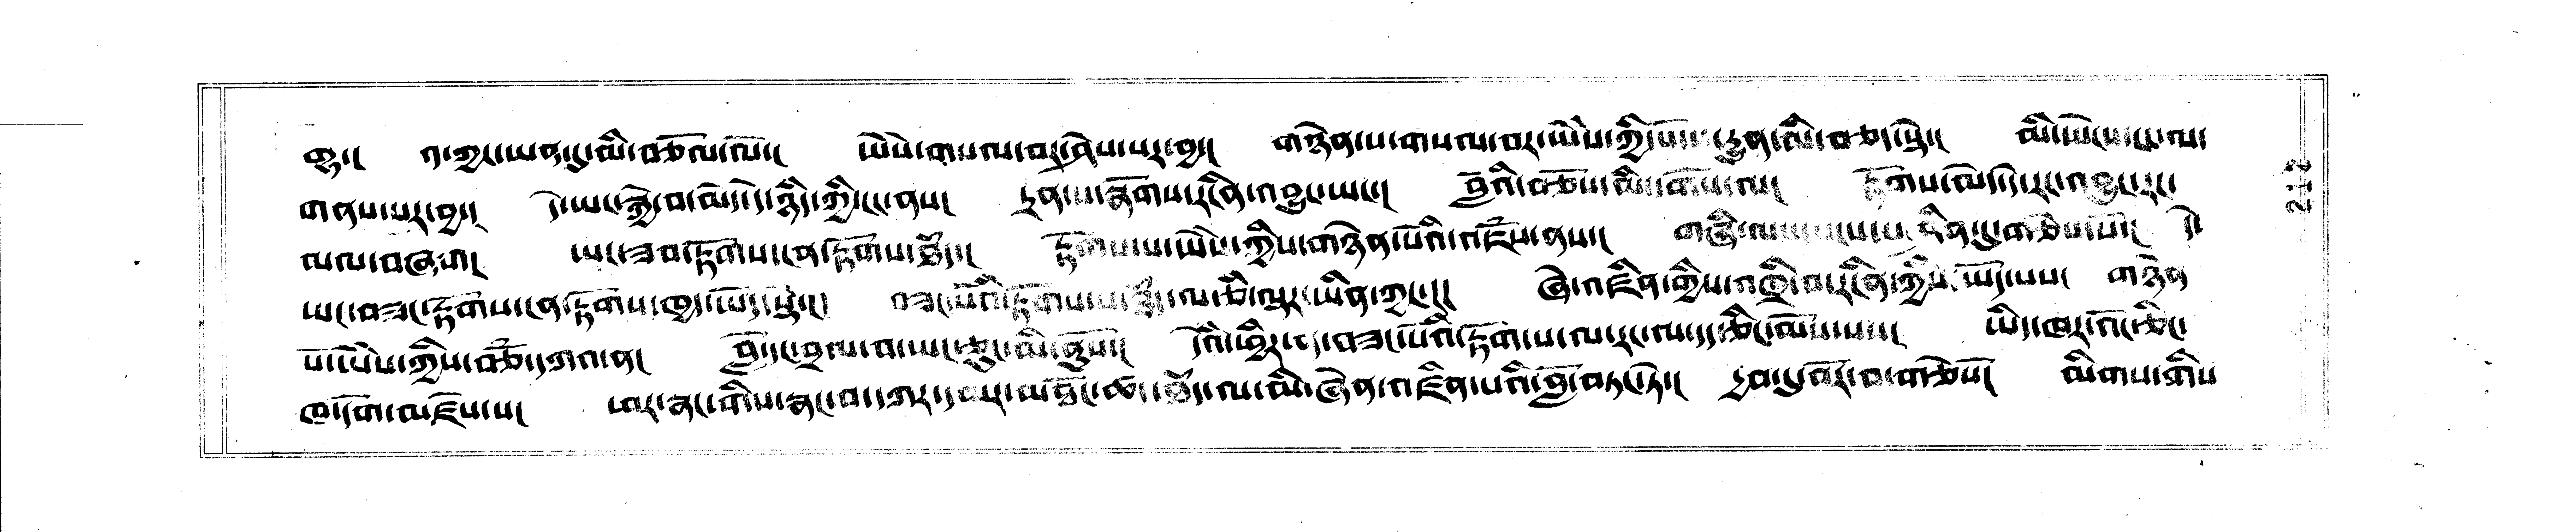གཅིག་ཀྱང་ཡན་དུ་མ་བཅོལ་ལ། ཡེ་ཤེས་གསལ་འཆར་ཤེས་པར་བྱ། གཉེན་པོ་ཡེ་ཤེས་ཀྱིས་སོ་པ་རྒྱུན་མི་བཅད་དེ། མི་ཡེང་ངང་ལ་
གནས་པར་བྱ། དེ་ཡང་སྐྱེ་བ་མེད་པ་དེ་ཉིད་ལ། མི་ཡེང་པའི་ངང་ནས་དྲན་པ་སྣ་ཚོགས་བྱུང་ཡང་བློའི་བཅོས་མི་དགོས་ལ། རྟོག་པ་མེད་དེ་རང་འབྱུང་རང་
ཡལ་དུ་བཞག དེ་ལ་བཟང་རྟོག་ངན་རྟོག་ཤེས་པ་ཐམས་ཅད། རྟོག་པ་ཡེ་ཤེས་ཀྱིས་གཉེན་པོའི་༼པོས༽འཇོམས་ནས། གཞི་ལས་སངས་པ་ཤིན་དུ་གཅེས་སོ། དེ་
ཡང་བཟང་རྟོག་ངན་རྟོག་ལ་ཁྱད་ཡོད་སྟེ། བཟང་པོའི་རྟོག་པ་ཐམས་ཅད་ལ། ཅི་ལྟར་ཡིན་ཀྱང་། ཞེ་འཛིན་གྱིས་འཁྲི་བ་ཞིག་རང་བཞིན་ཡོད་པས། གཉེན་
པོ་ཡེ་ཤེས་ཀྱིས་ཆོམ་དཀའ་ན། བློ་དང་བྲལ་བ་ཡང་ཅུང་མི་ནུས་སོ། དེའི་ཕྱིར་ན། བཟང་པོའི་རྟོག་པ་རང་ལ་དད་ཅིང་མོས་པ། ཡིད་ཁར་འོང་ཞིང་
ཁ་དོག་མཛེས་པ། ཕར་སྣང་གིས་སྣང་བ་དཀར་དམར་མཐོང་ཚད་ཐམས་ཅད་ལ་མི་ཞེན། འཛིན་པའི་བློ་བཏང་རྒྱབ་ཏུ་བོར་བ་གཅེས་སོ། མིག་གིས་